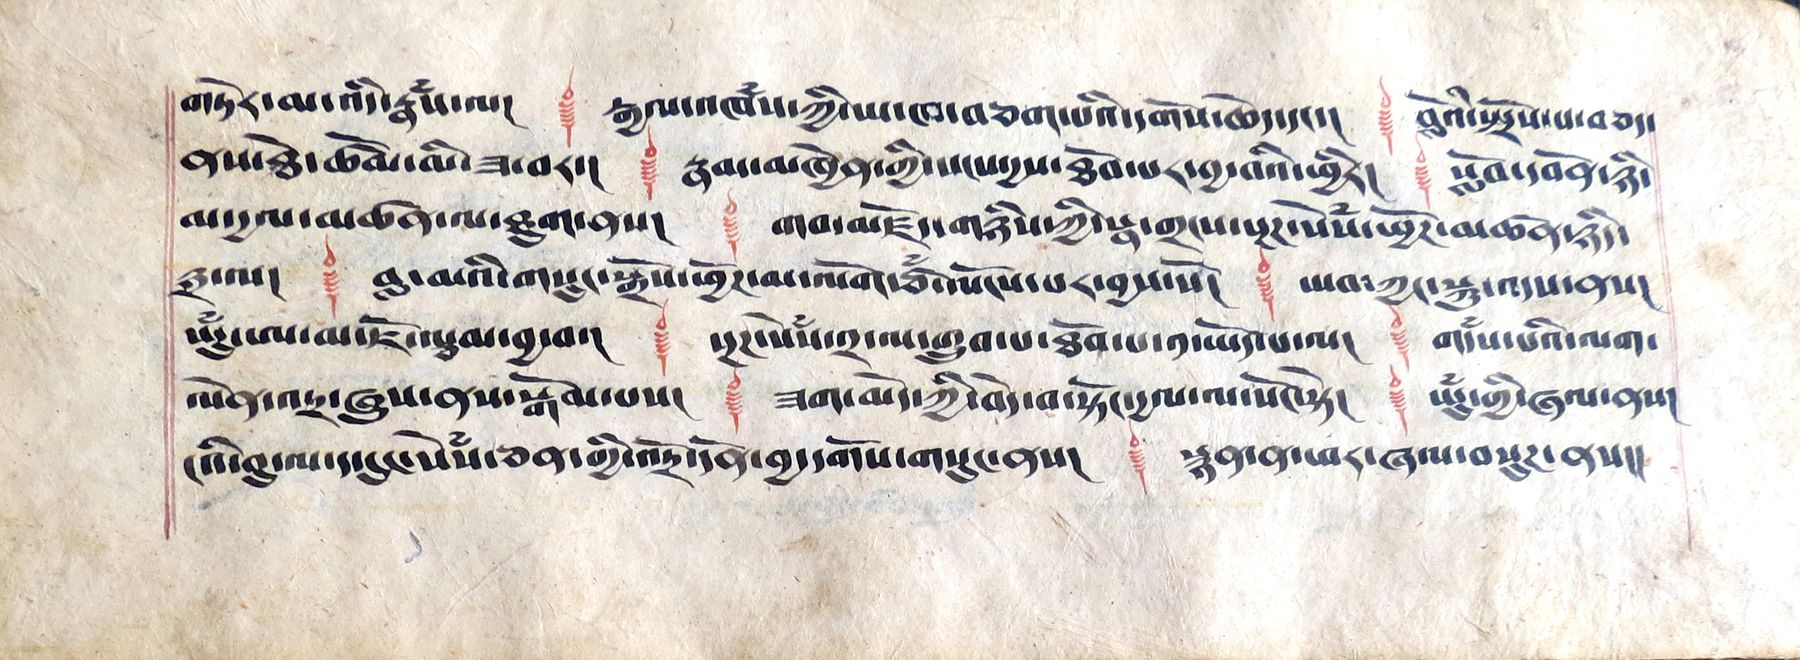གཏེར་འདི་རྣམས་ལ་རྒྱལ་ཁམས་ཀྱི་ཡ་ཁ་བཅག་པའི་དགོས་ཆེད་དང་། བློའི་སྤྲོས་པ་བཅད་
ནས་ཐེ་ཚོམ་མི་ཟ་བར། རྣམ་མཁྱེན་གྱི་སངས་རྒྱས་ཐོབ་པར་བྱ་བའི་ཕྱིར། སློབ་དཔོན་ཉི་
མ་རྒྱལ་མཚན་ལ་ཐུག་ནས་གབ་མཛོད་གཉིས་ཀྱི་རྣམ་གྲངས། སྔགས་སེམས་ཕྱོགས་མཚན་ཉིད་
གསུམ་ལ། བླ་མའི་གསུང་སྒྲོས་ཕྱོགས་མ་ལོག་ཙམ་ལོན་པར་བྱས་སོ། ། ཡབ་ཀྱང་སྐུ་འདས་ནས་
ཡུམ་ཨ་མ་ཇོ་ལྕམ་བྱ་བ། སྔགས་སེམས་གཉིས་ལ་གྲུབ་པ་ཐོབ་པ་ཞིག་ཡོད་པ་ལ། གདམས་པའི་ལག་
ལེན་འདྲ་ཞུས་ནས་བསྒོམ་པས། ཟག་མེད་ཀྱི་བདེ་བ་སྟོང་བརྒྱལ་བ་ལ་སོང་སྟེ། ཡུམ་གྱིས་ཞལ་ནས་
ང་ཡི་བུ་ལ་ད་དུང་སེམས་ཅན་གྱི་འགྲོ་དོན་བྱ་དགོས་གསུངས་ནས། སྙན་ནས་ཕར་ཞལ་བསུགས་ནས།